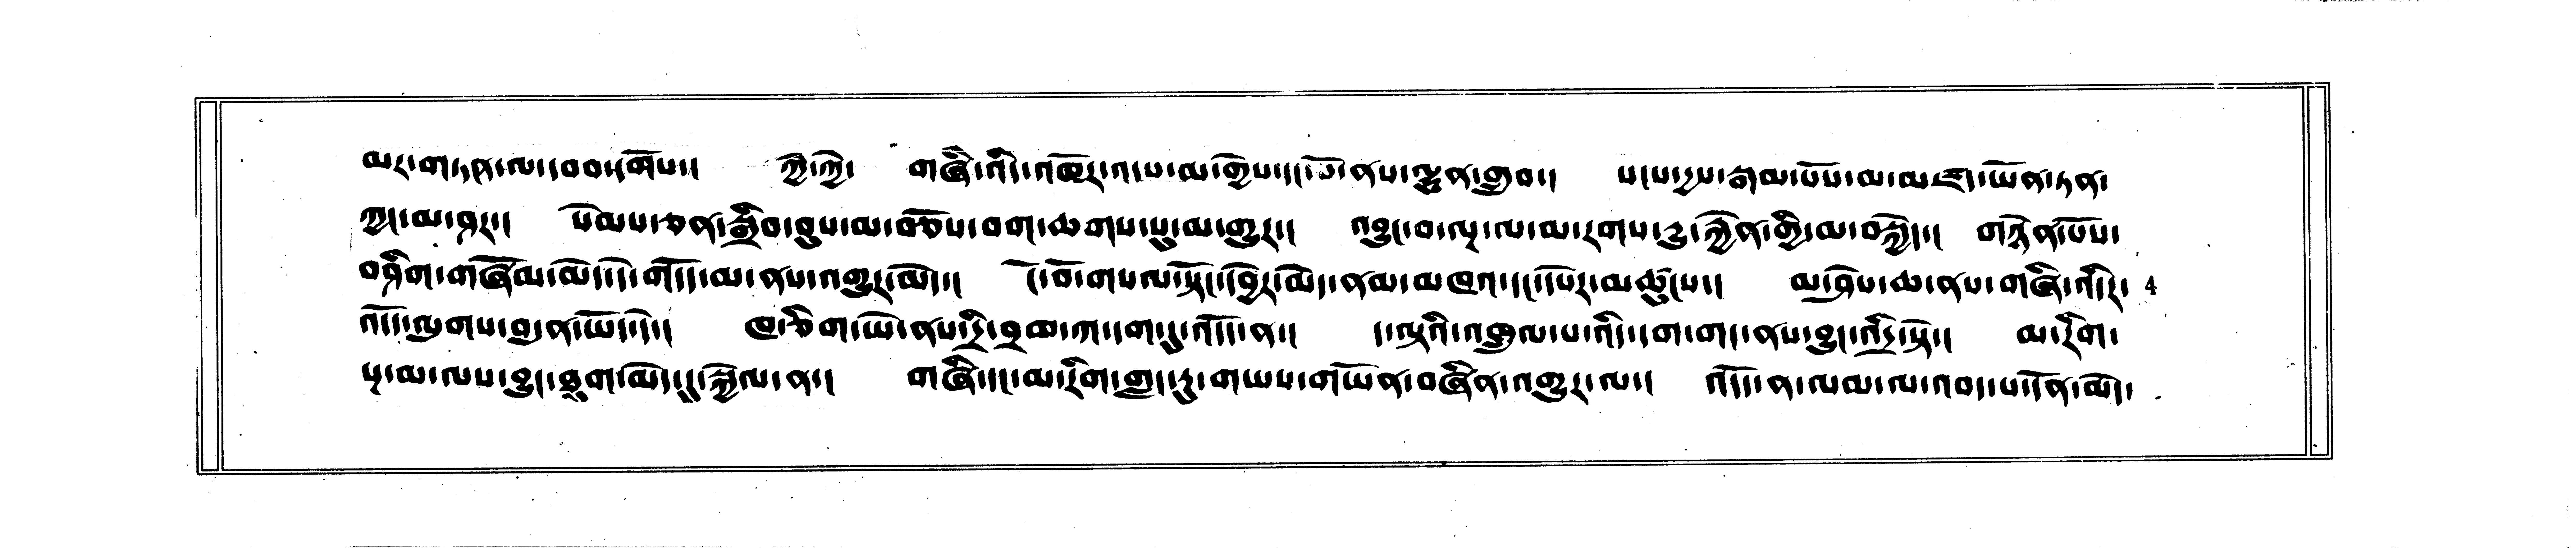མར་གཏན་ལ་དབབ་དགོས། །ཀྱེ་ཀྱེ། གཞི་འདི་འཁོར་འདས་མ་གྱེས་དང་པོ་ནས་ལྷུན་གྲུབ། །སངས་རྒྱས་སྒམ་པོས་མ་མཛད་ཡོན་ཏན་
ཀྱང་མ་ཤར། །སེམས་ཅན་སྒྲིན་བུས་མ་བཅོས་བག་ཆགས་སུ་མ་གྱུར། །འབྱུང་བ་ལྔ་ལ་མ་རག་རྒྱུ་རྐྱེན་གྱིས་མ་བསྐྱེད། །གཉེན་པོས་
བཤིག་གཞོམ་མེད་དེ་གདོད་མ་ནས་འགྱུར་མེད། །ངོ་བོ་གསལ་སྟོང་དབྱེར་མེད་ནམ་མཁའ་དང་དཔེར་མཚུངས། །མ་ཤེས་ཆ་ནས་གཞི་འདིར་
འདོད་ལུགས་བདུན་ཡོད་དེ། །ཁ་ཅིག་ཡེ་ནས་དྲི་བྲལ་ཀ་དག་ཏུ་འདོད་ན། །ད་ལྟའི་འཁྲུལ་པ་འདི་དག་གང་ནས་བྱུང་འདྲི་སྟེ། །མ་རིག་
སྔ་མ་ལས་བྱུང་ཐུག་མེད་དུ་སྐྱེལ་ན། །གཞི་དང་མ་རིག་གླང་རུ་གཡས་གཡོན་བཞིན་འགྱུར་ལ། །འདོད་ན་ལམ་ལ་འབད་པ་དོན་མེད་